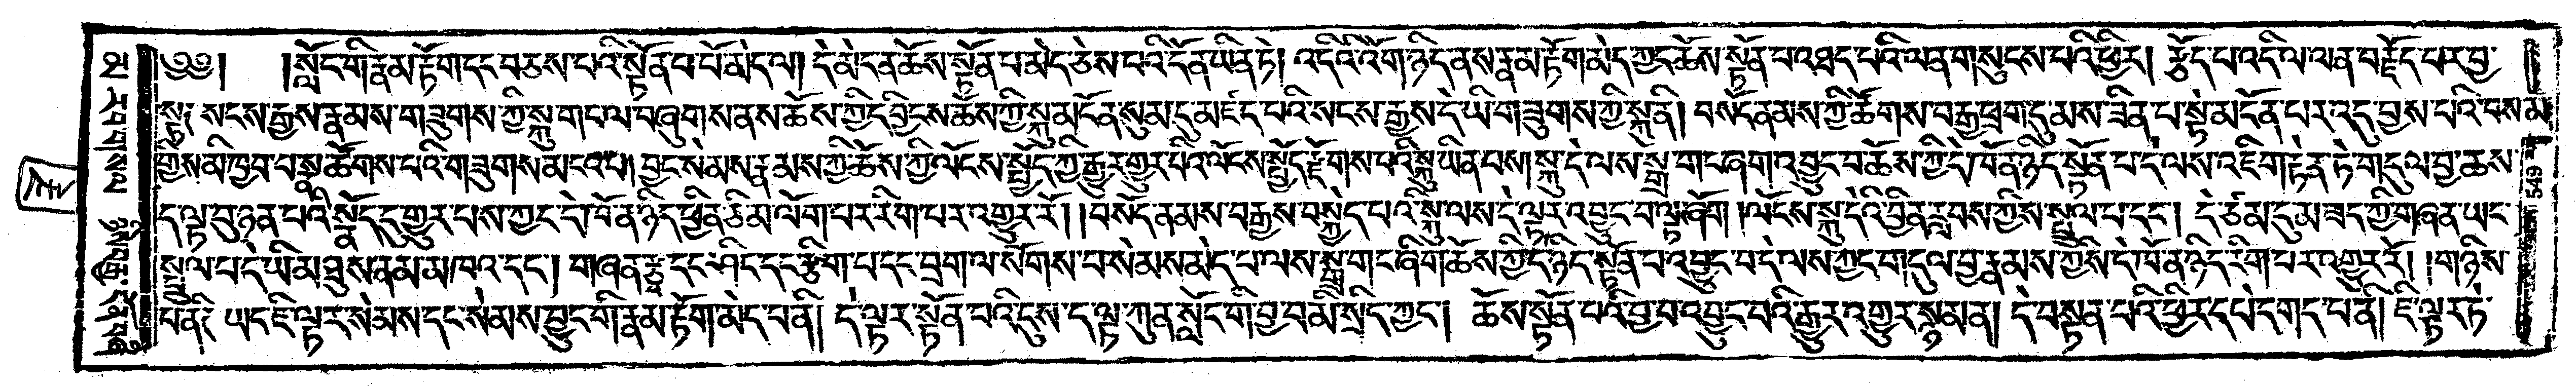༄༅། །སློང་གི་རྣམ་རྟོག་དང་བཅས་པའི་སྟོན་པ་པོ་མེད་ལ། དེ་མེད་ན་ཆོས་སྟོན་པ་མེད་ཅེས་པའི་དོན་ཡིན་ཏེ། འདིའི་འོག་ཉིད་ནས་རྣམ་རྟོག་མེད་ཀྱང་ཆོས་སྟོན་པ་འཐད་པའི་ལན་གསུངས་པའི་ཕྱིར། རྩོད་པ་འདི་ལ་ལན་བརྗོད་པར་བྱ་
སྟེ༑ སངས་རྒྱས་རྣམས་གཟུགས་ཀྱི་སྐུ་གང་ལ་བཞུགས་ནས་ཆོས་ཀྱི་དབྱིངས་ཆོས་ཀྱི་སྐུ་མངོན་སུམ་དུ་མཛད་པའི་སངས་རྒྱས་དེ་ཡི་གཟུགས་ཀྱི་སྐུ་ནི། བསོད་ནམས་ཀྱི་ཚོགས་བརྒྱ་ཕྲག་དུ་མས་ཟིན་པ་སྟེ་མངོན་པར་འདུ་བྱས་པའི་བསམ་
གྱིས་མི་ཁྱབ་པ་སྣ་ཚོགས་པའི་གཟུགས་མངའ་བ། བྱང་སེམས་རྣམས་ཀྱི་ཆོས་ཀྱི་ལོངས་སྤྱོད་ཀྱི་རྒྱུར་གྱུར་པའི་ལོངས་སྤྱོད་རྫོགས་པའི་སྐུ་ཡིན་པས། སྐུ་དེ་ལས་སྒྲ་གང་ཞིག་འབྱུང་བ་ཆོས་ཀྱི་དེ་ཁོ་ན་ཉིད་སྟོན་པ་དེ་ལས་འཇིག་རྟེན་ཏེ་གདུལ་བྱ་ཆོས་
དེ་ལྟ་བུ་ཉན་པའི་སྣོད་དུ་གྱུར་པས་ཀྱང་དེ་ཁོ་ན་ཉིད་ཕྱིན་ཅི་མ་ལོག་པར་རིག་པར་འགྱུར་རོ། །བསོད་ནམས་བརྒྱས་བསྐྱེད་པའི་སྐུ་ལས་དེ་ལྟར་འབྱུང་བ་ལྟ་ཞོག །ལོངས་སྐུ་དེའི་བྱིན་རླབས་ཀྱིས་སྤྲུལ་པ་དང་། དེ་ཙམ་དུ་མ་ཟད་ཀྱི་གཞན་ཡང་
སྤྲུལ་པ་དེ་ཡི་མཐུས་ནམ་མཁའ་དང་། གཞན་རྩྭ་དང་ཤིང་དང་རྩིག་པ་དང་བྲག་ལ་སོགས་པ་སེམས་མེད་པ་ལས་སྒྲ་གང་ཞིག་ཆོས་ཀྱི་དེ་ཉིད་སྟོན་པ་འབྱུང་བ་དེ་ལས་ཀྱང་གདུལ་བྱ་རྣམས་ཀྱིས་དེ་ཁོ་ན་ཉིད་རིག་པར་འགྱུར་རོ། །གཉིས་
པ་ནི༑ ཡང་ཇི་ལྟར་སེམས་དང་སེམས་བྱུང་གི་རྣམ་རྟོག་མེད་པ་ནི། དེ་ལྟར་སྟོན་པའི་དུས་ད་ལྟ་ཀུན་སློང་གི་བྱ་བ་མི་སྲིད་ཀྱང་། ཆོས་སྟོན་པའི་བྱ་བ་འབྱུང་བའི་རྒྱུར་འགྱུར་སྙམ་ན། དེ་བསྟན་པའི་ཕྱིར་དཔེ་དགོད་པ་ནི། ཇི་ལྟར་ཏེ་